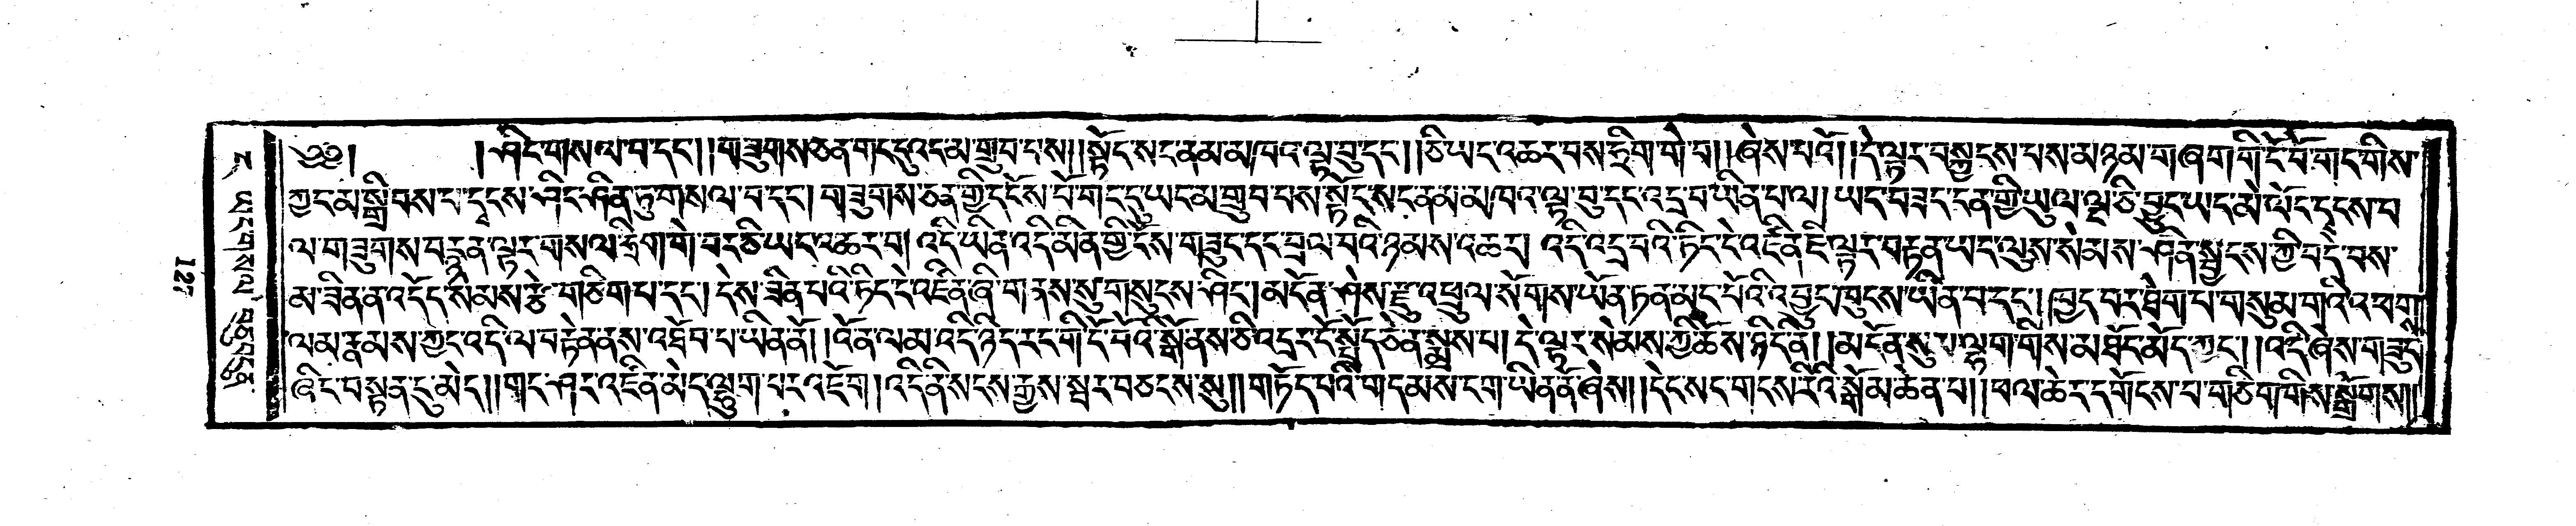༄༅། །ཤིང་གསལ་བ་དང་། །གཟུགས་ཅན་གང་དུའང་མ་གྲུབ་པས། །སྟོང་སང་ནམ་མཁའ་ལྟ་བུ་དང་། །ཅི་ཡང་འཆར་བས་ཧྲིག་གེ་བ། །ཞེས་པའོ། །དེ་ལྟར་བསྐྱབས་པས་མཉམ་གཞག་གི་ངོ་བོ་གང་གིས་
ཀྱང་མ་སྒྲིབས་པ་དྭངས་ཤིང་ཤིན་ཏུ་གསལ་བ་དང་། གཟུགས་ཅན་གྱི་དངོས་པོ་གང་དུ་ཡང་མ་གྲུབ་པས་སྟོང་སང་ནམ་མཁའ་ལྟ་བུ་དང་འདྲ་བ་ཡིན་པ་ལ། ཡང་བཟང་ངན་གྱི་ཡུལ་ལྔ་ཅི་བྱུང་ཡང་མེ་ལོང་དྭངས་བ་
ལ་གཟུགས་བརྙན་ལྟར་གསལ་ཧྲིག་གེ་བར་ཅི་ཡང་འཆར་བ། འདི་ཡིན་འདི་མིན་གྱི་ངོས་གཟུང་དང་བྲལ་བའི་ཉམས་འཆར། འདི་འདྲ་བའི་ཏིང་ངེ་འཛིན་ཇི་ལྟར་བརྟན་ཡང་ལུས་སེམས་ཤིན་སྦྱངས་ཀྱི་བདེ་བས་
མ་ཟིན་ན་འདོད་སེམས་རྩེ་གཅིག་པ་དང་། དེས་ཟིན་པའི་ཏིང་ངེ་འཛིན་ཞི་གནས་སུ་གསུངས་ཤིང་། མངོན་ཤེས་རྫུ་འཕྲུལ་སོགས་ཡོན་ཏན་མང་པོའི་འབྱུང་ཁུངས་ཡིན་པ་དང་། ཁྱད་པར་ཐེག་པ་གསུམ་གའི་འཕགས་
ལམ་རྣམས་ཀྱང་འདི་ལ་བརྟེན་ནས་འཐོབ་པ་ཡིན་ནོ། །འོ་ན་ལམ་འདི་ཉིད་རང་གི་ངོ་བོའི་སྒོ་ནས་ཅི་འདྲར་ངོ་སྤྲོད་ཅེ་ན་སྨྲས་པ། དེ་ལྟར་སེམས་ཀྱི་ཆོས་ཉིད་ནི། །མངོན་སུམ་ལྷག་གིས་མཐོང་མོད་ཀྱང་། །འདི་ཞེས་གཟུང་
ཞིང་བསྟན་དུ་མེད། །གང་ཤར་འཛིན་མེད་ལྷུག་པར་འཇོག །འདི་ནི་སངས་རྒྱས་སྦར་བཅངས་སུ། །གཏོད་པའི་གདམས་ངག་ཡིན་ནོ་ཞེས། དེང་སང་གངས་རིའི་སྒོམ་ཆེན་པ། །ཕལ་ཆེར་དགོངས་པ་གཅིག་གིས་སྒྲོགས།